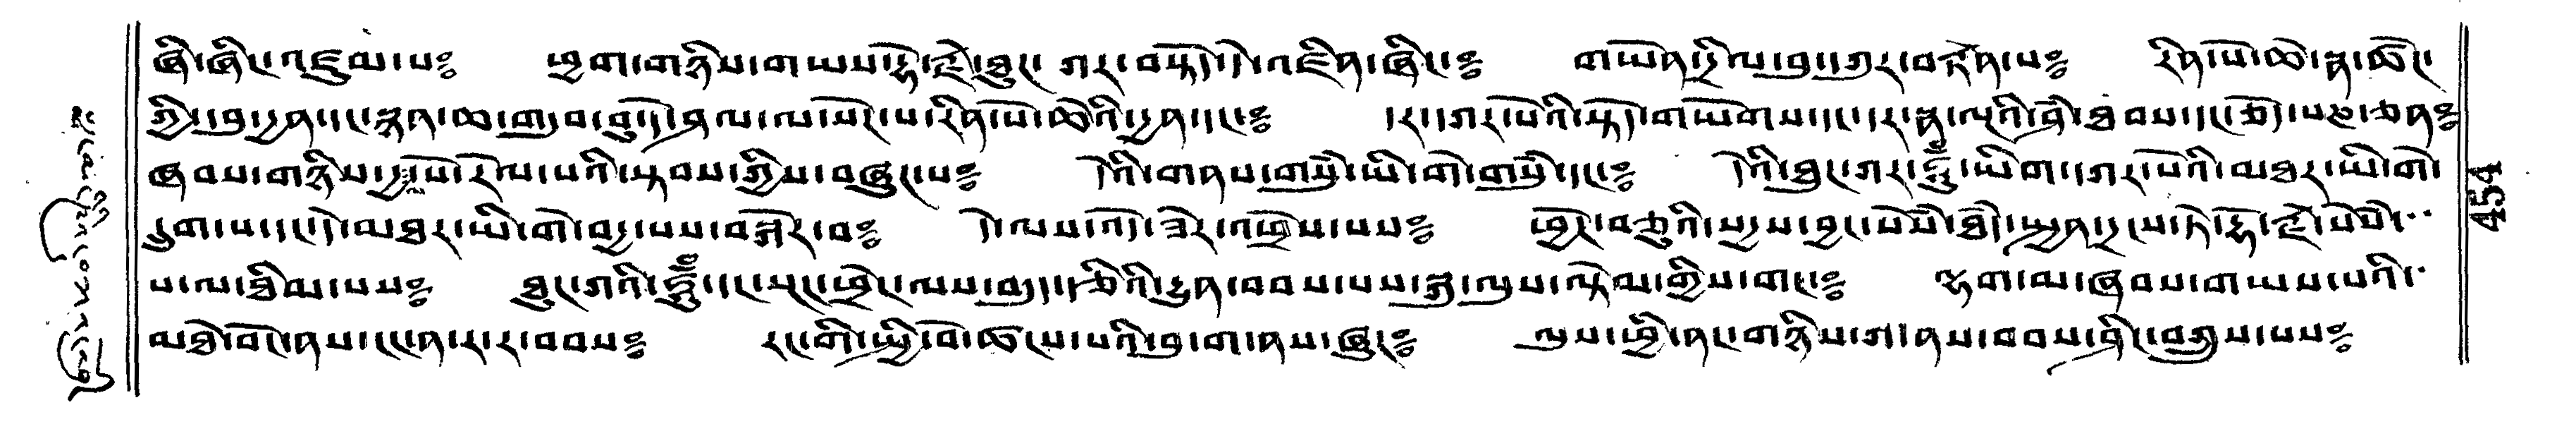ཞི་ཞིང་འཛུམ་པ༔ ཕྱག་གཉིས་གཡས་རྡོ་རྗེ་ཐུགས་ཀར་གཏོད་དེ་འཛིན་ཞིངཿ གཡོན་དྲིལ་བུ་དཀུར་བརྟེན་པ༔ རིན་པོ་ཆེ་སྣ་ཚོགས་
ཀྱི་དབུ་རྒྱན་དང་སྙན་ཆ་གདུབ་བུ་དོ་ཤལ་ལ་སོགས་པ་རིན་པོ་ཆེའི་རྒྱན་དང༔ དར་དཀར་པོའི་སྟོད་གཡོགས་དང་དར་སྣ་ལྔའི་ཤམ་ཐབས་དང་ཅོད་པཎ་ཅན༔
ཞབས་གཉིས་རྒྱལ་པོ་རོལ་པའི་སྟབས་ཀྱིས་བཞུགས་པ༔ དེའི་གནས་གསུམ་ཡི་གེ་གསུམ་དང༔ དེའི་ཐུགས་ཀར་ཧཱུྃ་ཡིག་དཀར་པོའི་མཐར་ཡི་གེ་
དྲུག་པ་དང་དེ་མཐར་ཡི་གེ་བརྒྱ་པས་བསྐོར་བ༔ དེ་ལས་འོད་ཟེར་འཕྲོས་པས༔ ཕྱོགས་བཅུའི་སངས་རྒྱས་བྱང་སེམས་ཐམས་ཅད་སྤྱན་དྲངས་ཏེ་རྡོ་རྗེ་སེམས་
པ་ལ་ཐིམ་པས༔ ཐུགས་ཀའི་ཧཱུྃ་དང་སྔགས་ཕྲེང་ལས་བདུད་རྩིའི་རྒྱུན་བབས་པས་སྐུ་ལུས་ལྟེམ་གྱིས་གང༔ ལྷག་མ་ཞབས་གཡས་པའི་
མཐེ་བོང་ནས་ངང་ན་ར་ར་བབས༔ རང་གི་སྤྱི་བོ་ཚངས་པའི་བུ་ག་ནས་ཞུགས༔ ལུས་ཕྱི་ནང་གཉིས་ཀ་ནས་བབས་ཤིང་བཀྲུས་པས༔